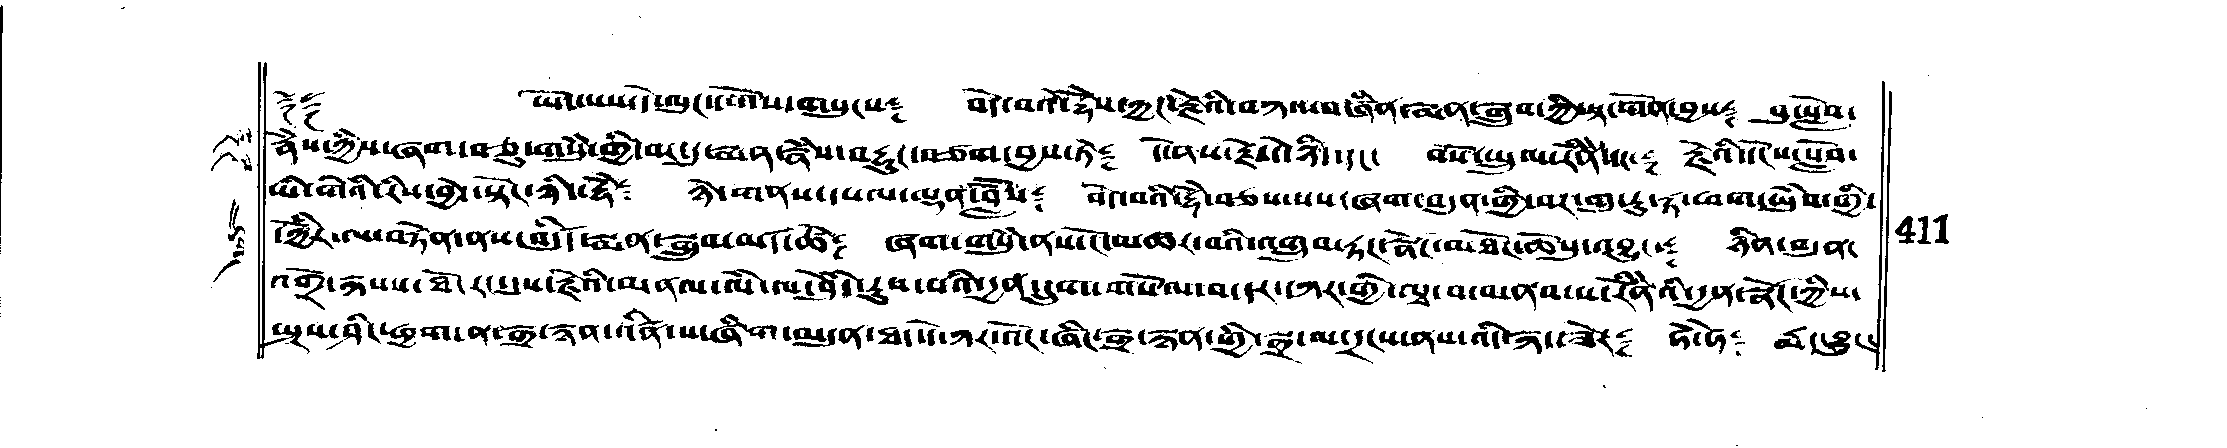ཡོད་པས་དེ་ལུགས་དགོས་གསུངས། བདེ་བའི་རྡོ་རྗེས་ཀྱང་རྗེའི་བཀའ་བཞིན་སྨན་སྒྲུབ་ཀྱི་སྟ་གོན་བྱས། བུ་སློབ་
རྣམས་ཀྱིས་ཞག་བཅུ་གསུམ་གྱི་བར་དུ་སྨན་རྣམས་བརྡུང་བཙག་བྱས་ཏེ། དེ་ནས་རྗེ་དེ་ཉིད་དང་། བསོ་སྤྲུལ་རིན་པོ་ཆེ་དང་། རྗེའི་དངོས་སློབ་
ཡི་གེའི་རིས་བྱེད་སྟོང་ཉིད་རྡོ་རྗེ། ཉེ་གནས་དཔལ་ལྡན་བློ་གྲོས། བདེ་བའི་རྡོ་རྗེ་བཅས་པས་ཞག་བདུན་གྱི་བར་གུ་རུ་རྟ་ཕག་ཡབ་ཡུམ་གྱི་
དཀྱིལ་འཁོར་ལ་བརྟེན་ནས་བདུད་རྩི་སྨན་སྒྲུབ་མཛད་ཚེ། ཞག་གསུམ་ནས་ངོ་མཚར་བའི་གྲུབ་རྟགས་སྣ་ཚོགས་མཐོང་ཆོས་སུ་བྱུང་། ཉིན་བདུན་
འགྲོ་སྐབས་ཐོ་རངས་དུས་རྗེའི་མནལ་ལམ་ལ་བུད་མེད་རུས་པའི་རྒྱན་དྲུག་གསོལ་བ་དར་དཀར་གྱི་ལྭ་བ་མནབ་པ་རིན་པོ་ཆེའི་རྒྱན་སྣ་ཚོགས་ཀྱིས་
སྤྲས་ཤིང་ཕྱག་ན་སྒྲ་སྙན་འཛིན་པ་ཞིག་མདུན་ཐད་དེ་ཀར་འོང་ཞིང་སྒྲ་སྙན་གྱི་སྒྲ་ལ་དྲངས་ནས་འདི་སྐད་ཟེར། ཧེ་ཧེཿ རྨད་བྱུང་